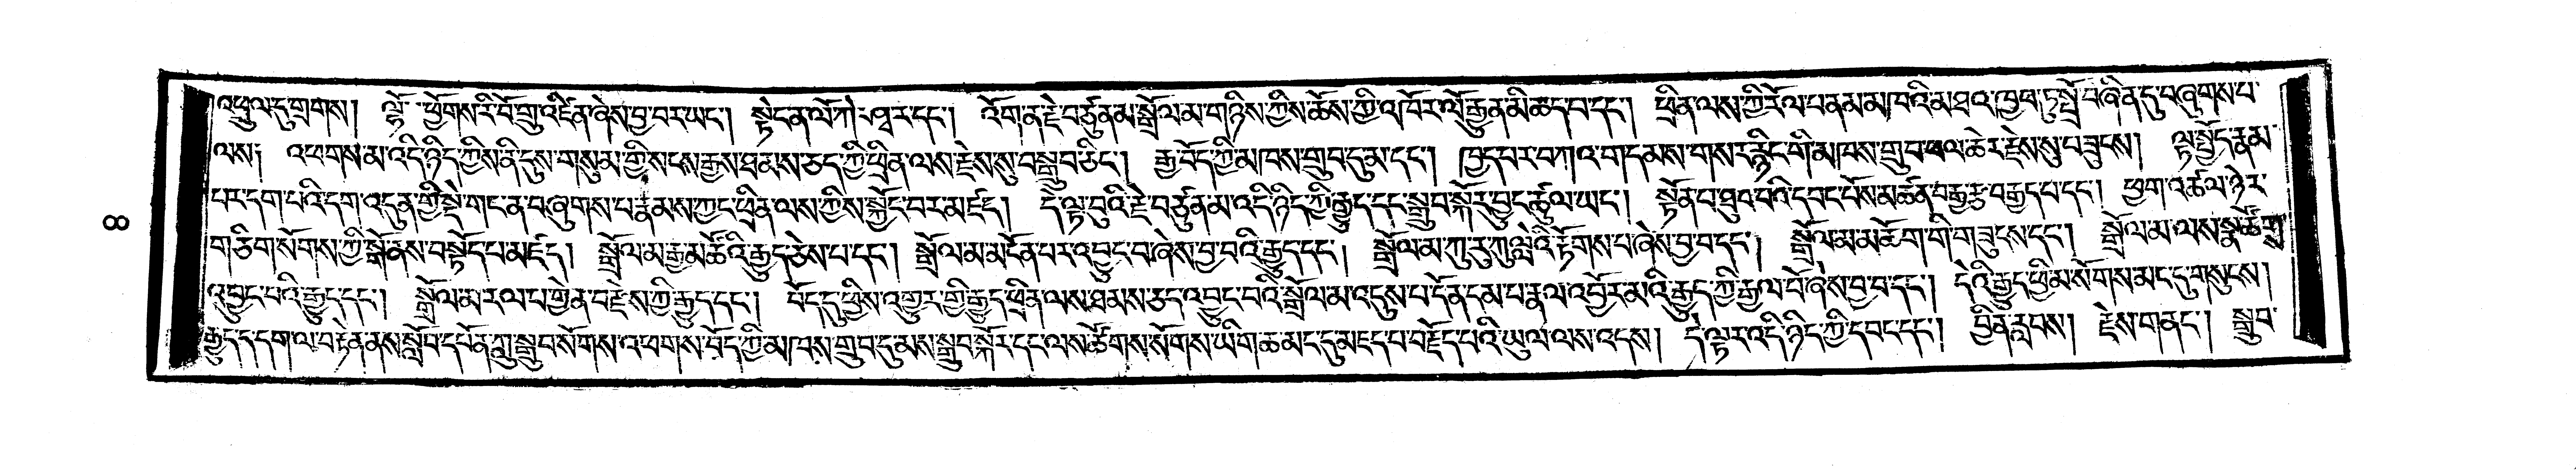འཕྲུལ་དུ་གྲགས། ལྷོ་ཕྱོགས་རི་བོ་གྲུ་འཛིན་ཞེས་བྱ་བར་ཡང་། སྟེང་ན་ལོ་ཀེ་ཤྭ་ར་དང་། འོག་ན་རྗེ་བཙུན་མ་སྒྲོལ་མ་གཉིས་ཀྱིས་ཆོས་ཀྱི་འཁོར་ལོ་རྒྱུན་མི་ཆད་པ་དང་། ཕྲིན་ལས་ཀྱི་རོལ་པ་ནམ་མཁའི་མཐའ་ཁྱབ་ཏུ་སྤྲོ་བཞིན་དུ་བཞུགས་པ་
ལས༑ འཕགས་མ་འདི་ཉིད་ཀྱིས་ནི་དུས་གསུམ་གྱི་སངས་རྒྱས་ཐམས་ཅད་ཀྱི་ཕྲིན་ལས་རྗེས་སུ་བསྒྲུབ་ཅིང་། རྒྱ་བོད་ཀྱི་མཁས་གྲུབ་དུ་མ་དང་། ཁྱད་པར་བཀའ་གདམས་གསར་རྙིང་གི་མཁས་གྲུབ་ཕལ་ཆེར་རྗེས་སུ་བཟུངས། ལྟ་སྤྱོད་རྣམ་
པར་དག་པའི་དགེ་འདུན་གྱི་སྡེ་གང་ན་བཞུགས་པ་རྣམས་ཀྱང་ཕྲིན་ལས་ཀྱིས་སྐྱོང་བར་མཛད། དེ་ལྟ་བུའི་རྗེ་བཙུན་མ་འདི་ཉིད་ཀྱི་རྒྱུད་དང་སྒྲུབ་སྐོར་བྱུང་ཚུལ་ཡང་། སྟོན་པ་ཐུབ་པའི་དབང་པོས་མཚན་བརྒྱ་རྩ་བརྒྱད་པ་དང་། ཕྱག་འཚལ་ཉེར་
གཅིག་སོགས་ཀྱི་སྒོ་ནས་བསྟོད་པ་མཛད། སྒྲོལ་མ་རྒྱ་མཚོའི་རྒྱུད་ཅེས་པ་དང་། སྒྲོལ་མ་མངོན་པར་འབྱུང་བ་ཞེས་བྱ་བའི་རྒྱུད་དང་། སྒྲོལ་མ་ཀུ་རུ་ཀུལླེའི་རྟོག་པ་ཞེས་བྱ་བ་དང་། སྒྲོལ་མ་མཆོག་གི་གཟུངས་དང་། སྒྲོལ་མ་ལས་སྣ་ཚོགས་
འབྱུང་བའི་རྒྱུད་དང་། སྒྲོལ་མ་རལ་པ་གྱེན་བརྫེས་ཀྱི་རྒྱུད་དང་། བོད་དུ་ཕྱིས་འགྱུར་གྱི་རྒྱུད་ཕྲིན་ལས་ཐམས་ཅད་འབྱུང་བའི་སྒྲོལ་མ་འདུས་པ་དོན་དམ་པ་རྣལ་འབྱོར་མའི་རྒྱུད་ཀྱི་རྒྱལ་པོ་ཞེས་བྱ་བ་དང་། དེའི་རྒྱུད་ཕྱི་མ་སོགས་མང་དུ་གསུངས།
རྒྱུད་དེ་དག་ལ་བརྟེན་ནས་སློབ་དཔོན་ཀླུ་སྒྲུབ་སོགས་འཕགས་བོད་ཀྱི་མཁས་གྲུབ་དུ་མས་སྒྲུབ་སྐོར་དང་ལས་ཚོགས་སོགས་ཡིག་ཆ་མང་དུ་མཛད་པ་བརྗོད་པའི་ཡུལ་ལས་འདས། དེ་ལྟར་འདི་ཉིད་ཀྱི་དབང་དང་། བྱིན་རླབས། རྗེས་གནང་། སྒྲུབ་